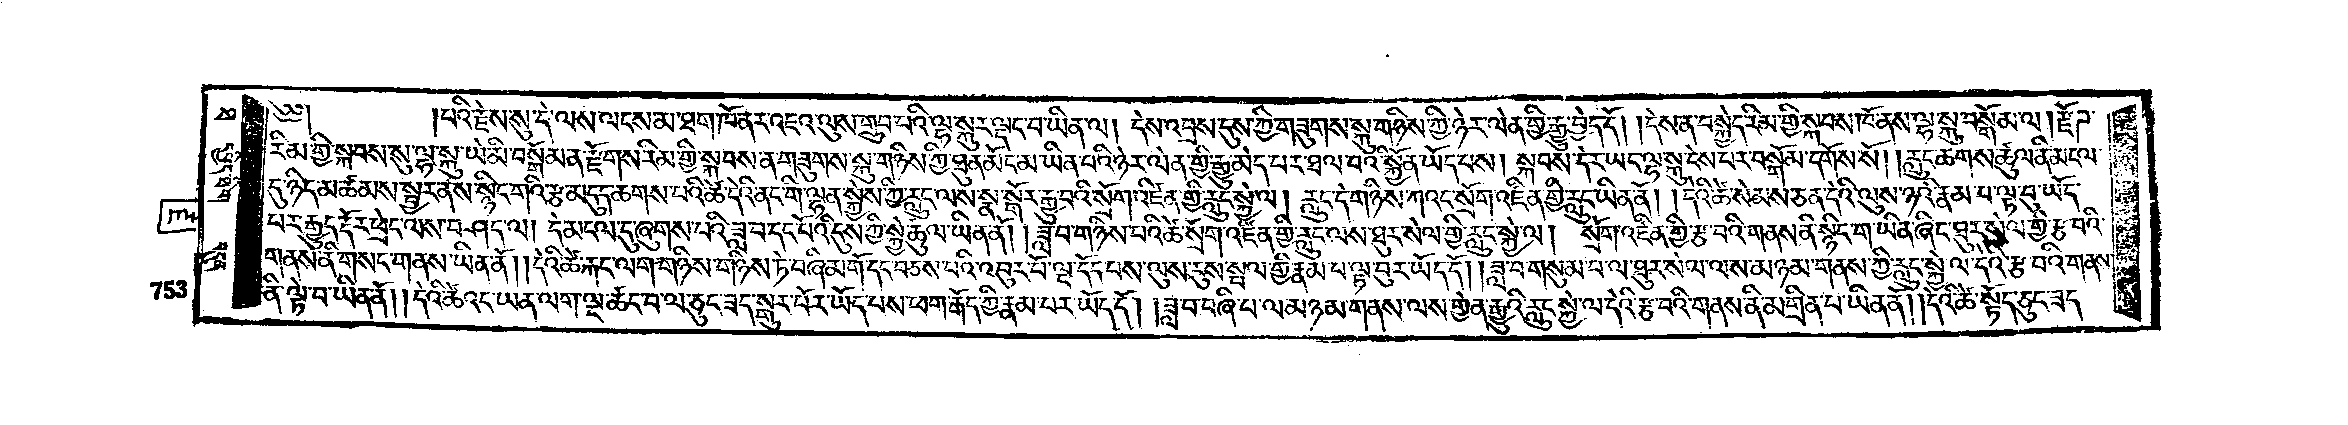༄༅། །པའི་རྗེས་སུ་དེ་ལས་ལངས་མ་ཐག་ཁོ་ནར་འཇའ་ལུས་གྲུབ་པའི་ལྷ་སྐུར་ལྡང་བ་ཡིན་ལ། དེས་འབྲས་དུས་ཀྱི་གཟུགས་སྐུ་གཉིས་ཀྱི་ཉེར་ལེན་གྱི་རྒྱུ་བྱེད་དོ། །དེས་ན་བསྐྱེད་རིམ་གྱི་སྐབས་ཁོ་ནས་ལྷ་སྐུ་བསྒོམ་ལ། རྫོགས་
རིམ་གྱི་སྐབས་སུ་ལྷ་སྐུ་ཡེ་མི་བསྒོམ་ན་རྫོགས་རིམ་གྱི་སྐབས་ན་གཟུགས་སྐུ་གཉིས་ཀྱི་ཐུན་མོང་མ་ཡིན་པའི་ཉེར་ལེན་གྱི་རྒྱུ་མེད་པར་ཐལ་བའི་སྐྱོན་ཡོད་པས། སྐབས་དེར་ཡང་ལྷ་སྐུ་ངེས་པར་བསྒོམ་དགོས་སོ། །རླུང་ཆགས་ཚུལ་ནི་མངལ་
དུ་ཉིད་མཚམས་སྦྱར་ནས་སྙིང་གའི་རྩ་མདུད་ཆགས་པའི་ཚེ་དེའི་ནང་གི་ལྷན་སྐྱེས་ཀྱི་རླུང་ལས་སྣ་སྒོར་རྒྱུ་བའི་སྲོག་འཛིན་གྱི་རླུང་སྐྱེ་ལ། རླུང་དེ་གཉིས་ཀའང་སྲོག་འཛིན་གྱི་རླུང་ཡིན་ནོ། །དེའི་ཚེ་སེམས་ཅན་དེའི་ལུས་ཉའི་རྣམ་པ་ལྟ་བུ་ཡོད་
པར་རྒྱུད་རྡོར་ཕྲེང་ལས་བཤད་ལ། དེ་མངལ་དུ་ཞུགས་པའི་ཟླ་བ་དང་པོའི་དུས་ཀྱི་སྐྱེ་ཚུལ་ཡིན་ནོ། །ཟླ་བ་གཉིས་པའི་ཚེ་སྲོག་འཛིན་གྱི་རླུང་ལས་ཐུར་སེལ་གྱི་རླུང་སྐྱེ་ལ། སྲོག་འཛིན་གྱི་རྩ་བའི་གནས་ནི་སྙིང་ག་ཡིན་ཞིང་ཐུར་སེལ་གྱི་རྩ་བའི་
གནས་ནི་གསང་གནས་ཡིན་ནོ། །དེའི་ཚེ་རྐང་ལག་གཉིས་གཉིས་ཏེ་བཞི་མགོ་དང་བཅས་པའི་འབུར་པོ་ལྔ་དོད་པས་ལུས་རུས་སྦལ་གྱི་རྣམ་པ་ལྟ་བུར་ཡོད་དོ། །ཟླ་བ་གསུམ་པ་ལ་ཐུར་སེལ་ལས་མཉམ་གནས་ཀྱི་རླུང་སྐྱེ་ལ་དེའི་རྩ་བའི་གནས་
ནི་ལྟེ་བ་ཡིན་ནོ། །དེའི་ཚེའང་ཡན་ལག་ལྔ་ཚང་བ་ལ་ཅུང་ཟད་སྒུར་པོར་ཡོད་པས་ཕག་རྒོད་ཀྱི་རྣམ་པར་ཡོད་དོ། །ཟླ་བ་བཞི་པ་ལ་མཉམ་གནས་ལས་གྱེན་རྒྱུའི་རླུང་སྐྱེ་ལ་དེའི་རྩ་བའི་གནས་ནི་མགྲིན་པ་ཡིན་ནོ། །དེའི་ཚེ་སྟོད་ཅུང་ཟད་